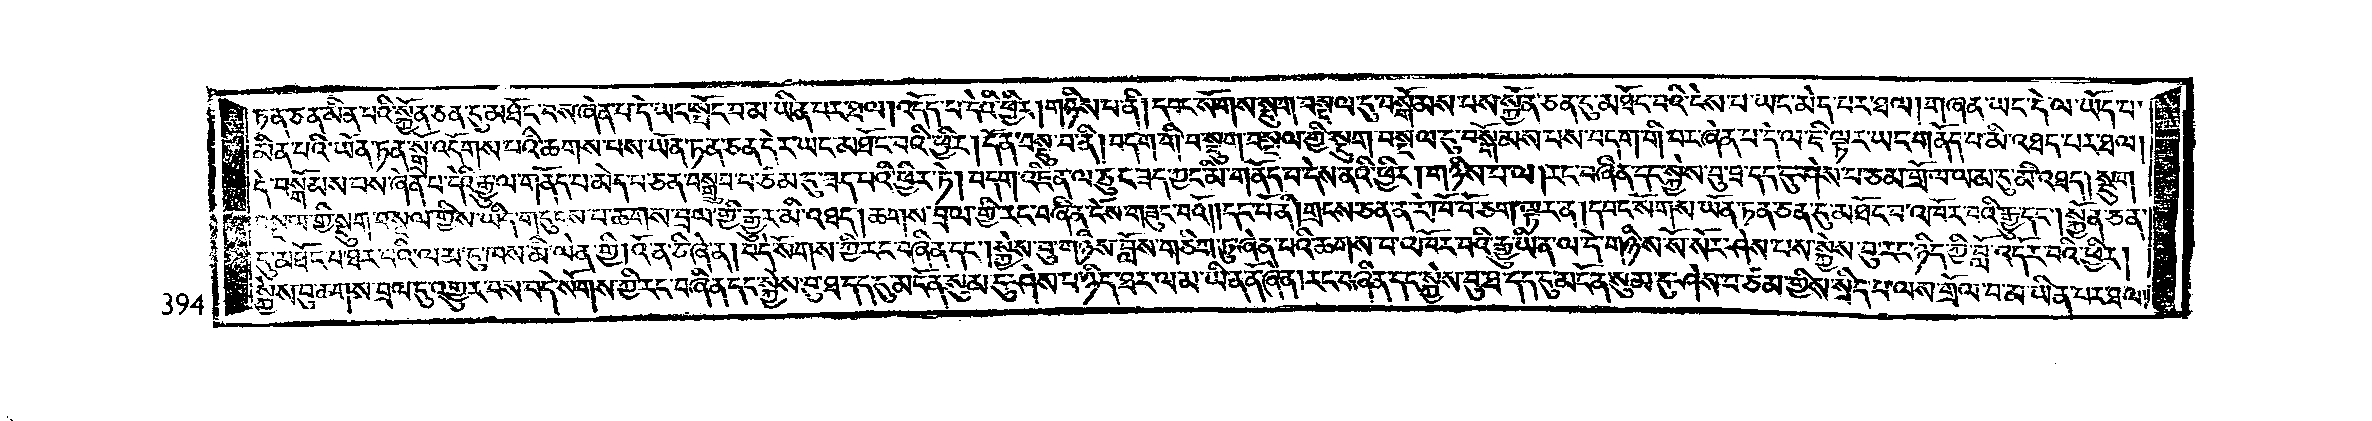ཏན་ཅན་ཡིན་པའི་སྐྱོན་ཅན་དུ་མཐོང་བས་ཞེན་པ་དེ་ཡང་སྤོང་བ་མ་ཡིན་པར་ཐལ། འདོད་པ་དེའི་ཕྱིར། གཉིས་པ་ནི། དབང་སོགས་སྡུག་བསྔལ་དུ་བསྒོམས་པས་སྐྱོན་ཅན་དུ་མཐོང་བའི་ངེས་པ་ཡང་མེད་པར་ཐལ། གཞན་ཡང་དེ་ལ་ཡོད་པ་
མིན་པའི་ཡོན་ཏན་སྒྲོ་འདོགས་པའི་ཆགས་པས་ཡོན་ཏན་ཅན་དེར་ཡང་མཐོང་བའི་ཕྱིར། དོན་བསྡུ་བ་ནི། བདག་གི་བ་སྡུག་བསྔལ་གྱི་སྡུག་བསྔལ་དུ་བསྒོམས་པས་བདག་གི་བར་ཞེན་པ་དེ་ལ་ཇི་ལྟར་ཡང་གནོད་པ་མི་འཐད་པར་ཐལ།
དེ་བསྒོམས་པས་ཞེན་པ་དེའི་རྒྱུ་ལ་གནོད་པ་མེད་པ་ཅན་བསྒྲུབ་པ་ཙམ་དུ་ཟད་པའི་ཕྱིར་ཏེ། བདག་འཛིན་ལ་ཅུང་ཟད་ཀྱང་མི་གནོད་པ་དེས་ནའི་ཕྱིར། གཉིས་པ་ལ། རང་བཞིན་དང་སྐྱེས་བུ་ཐ་དད་དུ་ཤེས་པ་ཙམ་?་གྲོལ་ལམ་དུ་མི་འཐད། སྡུག་
བསྔལ་ཀྱི་སྡུག་བསྔལ་གྱིས་ཡིད་གདུངས་པ་ཆགས་བྲལ་གྱི་རྒྱུར་མི་འཐད། ཆགས་བྲལ་གྱི་རང་བཞིན་ངོས་གཟུང་བའོ། །དང་པོ་ནི། གྲངས་ཅན་ན་རེ་ཁོ་བོ་ཅག་ལྟར་ན། དབང་སོགས་ཡོན་ཏན་ཅན་དུ་མཐོང་བ་འཁོར་བའི་རྒྱུ་དང་། སྐྱོན་ཅན་
དུ་མཐོང་བ་ཐར་པའི་ལམ་དུ་ཁས་མི་ལེན་གྱི། འོ་ན་ཅི་ཞེ་ན། བདེ་སོགས་ཀྱི་རང་བཞིན་དང་། སྐྱེས་བུ་གཉིས་བློས་གཅིག་ཏུ་ཞེན་པའི་ཆགས་པ་འཁོར་བའི་རྒྱུ་ཡིན་ལ་དེ་གཉིས་སོ་སོར་ཤེས་པས་སྐྱེས་བུ་རང་ཉིད་ཀྱི་བློ་འདོར་བའི་ཕྱིར།
སྐྱེས་བུ་ཆགས་བྲལ་དུ་འགྱུར་བས་བདེ་སོགས་ཀྱི་རང་བཞིན་དང་སྐྱེས་བུ་ཐ་དད་དུ་མངོན་སུམ་དུ་ཤེས་པ་ཉིད་ཐར་ལམ་ཡིན་ནོ་ཞེ་ན། རང་བཞིན་དང་སྐྱེས་བུ་ཐ་དད་དུ་མངོན་སུམ་དུ་ཤེས་པ་ཙམ་གྱིས་སྲིད་པ་ལས་གྲོལ་བ་མ་ཡིན་པར་ཐལ།